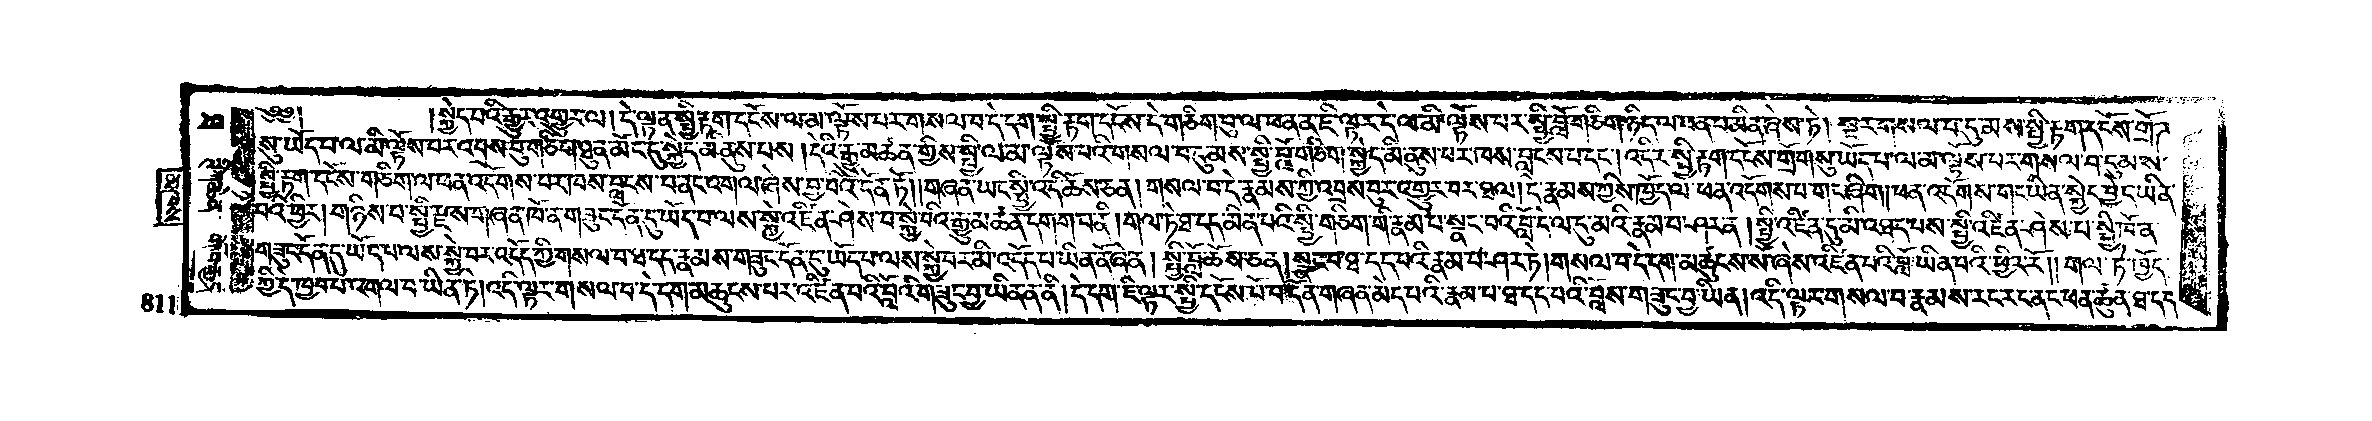༄༅། །སྐྱེད་པའི་རྒྱུར་འགྱུར་ལ། དེ་ལྟ་ན་སྤྱི་རྟག་དངོས་ལ་མ་ལྟོས་པར་གསལ་བ་དེ་དག་སྤྱི་རྟག་དངོས་དེ་གཅིག་བུ་ལ་ཕན་ན་ཇི་ལྟར་དེ་ལ་མི་ལྟོས་པར་སྤྱི་བློ་གཅིག་ཉིད་ལ་ཕན་པ་མིན་ཞེས་ཏེ། སྔར་གསལ་བ་དུ་མས་སྤྱི་རྟག་དངོས་གྲོགས་
སུ་ཡོད་པ་ལ་མི་ལྟོས་པར་འབྲས་བུ་གཅིག་ཐུན་མོང་དུ་སྐྱེད་མི་ནུས་པས། དེའི་རྒྱུ་མཚན་གྱིས་སྤྱི་ལ་མ་ལྟོས་པའི་གསལ་བ་དུ་མས་སྤྱི་བློ་གཅིག་སྐྱེད་མི་ནུས་པར་ཁས་བླངས་པ་དང་། འདིར་སྤྱི་རྟག་དངོས་གྲོགས་སུ་ཡོད་པ་ལ་མ་ལྟོས་པར་གསལ་བ་དུ་མས་
སྤྱི་རྟག་དངོས་གཅིག་ལ་ཕན་འདོགས་པར་ཁས་བླངས་པ་ནང་འགལ་ཞེས་བྱ་བའི་དོན་ཏོ། །གཞན་ཡང་སྤྱི་འདི་ཆོས་ཅན། གསལ་བ་དེ་རྣམས་ཀྱི་འབྲས་བུར་འགྱུར་བར་ཐལ། དེ་རྣམས་ཀྱིས་ཁྱོད་ལ་ཕན་འདོགས་པ་གང་ཞིག །ཕན་འདོགས་གང་ཡིན་སྐྱེད་བྱེད་ཡིན་
པའི་ཕྱིར། གཉིས་པ་སྤྱི་རྫས་གཞན་ཁོ་ན་གཟུང་དོན་དུ་ཡོད་པ་ལས་སྤྱི་འཛིན་ཤེས་པ་སྐྱེ་བའི་རྒྱུ་མཚན་དགག་པ་ནི། གལ་ཏེ་ཐ་དད་མིན་པའི་སྤྱི་གཅིག་གི་རྣམ་པ་སྣང་བའི་བློ་དེ་ལ་དུ་མའི་རྣམ་པ་ཤར་ན། སྤྱི་འཛིན་དུ་མི་འཐད་པས་སྤྱི་འཛིན་ཤེས་པ་སྤྱི་ཁོ་ན་
གཟུང་དོན་དུ་ཡོད་པ་ལས་སྐྱེ་བར་འདོད་ཀྱི་གསལ་བ་ཐ་དད་རྣམས་གཟུང་དོན་དུ་ཡོད་པ་ལས་སྐྱེ་བར་མི་འདོད་པ་ཡིན་ནོ་ཞེ་ན། སྤྱི་བློ་ཆོས་ཅན། སྣང་བ་ཐ་དད་པའི་རྣམ་པ་ཤར་ཏེ། གསལ་བ་དེ་དག་མཚུངས་སོ་ཞེས་འཛིན་པའི་བློ་ཡིན་པའི་ཕྱིར་རོ། །གལ་ཏེ་ཁྱོད་
ཀྱི་དེ་ཁྱབ་པ་འགལ་བ་ཡིན་ཏེ། འདི་ལྟར་གསལ་བ་དེ་དག་མཚུངས་པར་འཛིན་པའི་བློའི་གཟུང་བྱ་ཡིན་ན་ནི། དེ་དག་ཇི་ལྟར་སྤྱི་དངོས་པོ་བ་དོན་གཞན་མེད་པའི་རྣམ་པ་ཐ་དད་པའི་བློས་གཟུང་བྱ་ཡིན། འདི་ལྟར་གསལ་བ་རྣམས་རང་རང་ནང་ཕན་ཚུན་ཐ་དད་